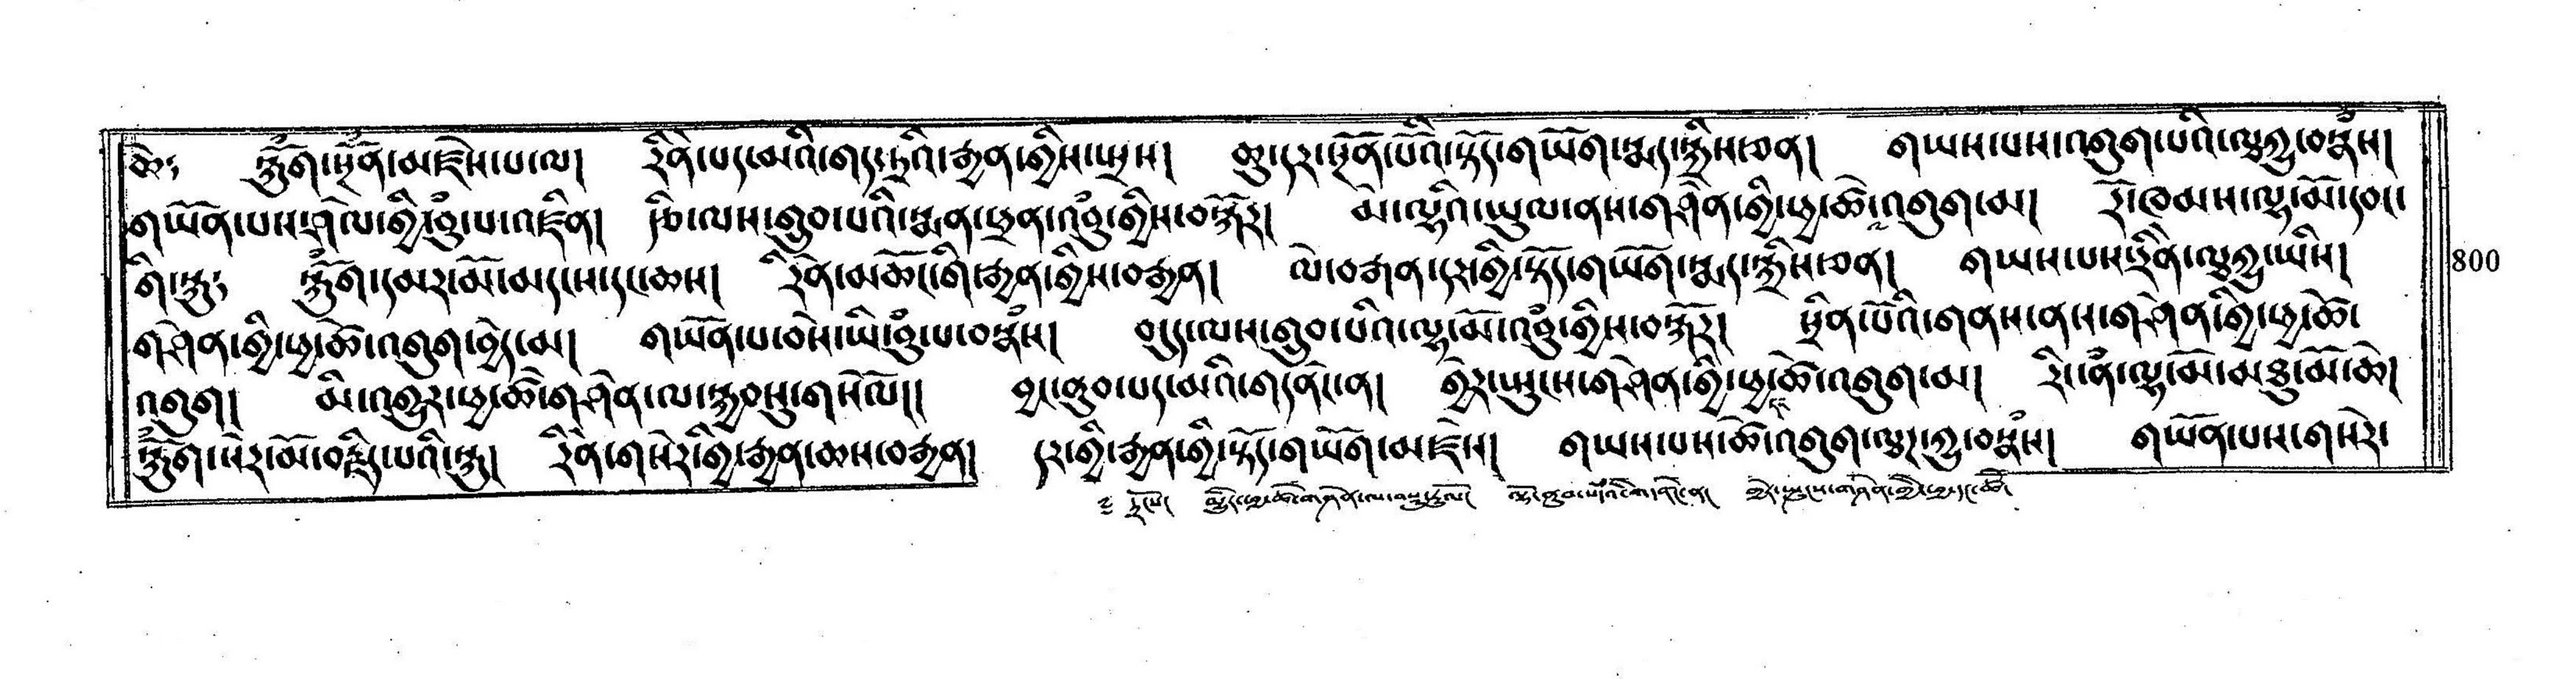ཆེ། སྐུ་མདོག་སྔོན་མོ་མཛེས་པ་ལ། རིན་ཆེན་པད་མའི་གད་དྲའི་རྒྱན་གྱིས་སྤྲས། ཆུ་དར་སྔོན་པོའི་སྟོད་གཡོག་སྨད་སྐྲིས་ཅན། གཡས་པས་འགུག་པའི་ལྕག་ཀྱུ་བསྣམས། 
གཡོན་པས་ཤེལ་གྱི་བུམ་པ་འཛིན། རྩི་ལས་གྲུབ་པའི་སྨན་ཕྲན་འབུམ་གྱིས་བསྐོར། མེ་ལྷའི་ཡུལ་ནས་གཤེན་གྱི་ཕྱ་ཚེ་དྲོངས། མི་འགྱུར་ཕྱ་ཚེ་གཤེན་ལ་བསྡུ་རུ་གསོལ།། ལྷོ་ནུབ་པད་མའི་གདན་སྟེང་ན། གྱེར་སྤུངས་གཤེན་གྱི་ཕྱ་དང་ཚེ་འགུག་མ། རོ་ཁམས་ལྷ་མོ་དབང་
གི་སྐུ། སྐུ་མདོག་དམར་མོ་མདངས་དང་ཆས། རིན་ཆེན་མཆོང་གི་རྒྱན་གྱིས་བརྒྱན། ལེ་བརྒན་དར་གྱི་སྟོད་གཡོག་སྨད་སྐྲིས་ཅན། གཡས་པས་རིན་ཆེན་ལྕག་ཀྱུ་ཡིས། 
གཤེན་གྱི་ཕྱ་ཚེ་འགུག་བྱེད་མ། གཡོན་པ་བསེ་ཡི་བུམ་པ་བསྣམས། བདུད་ལས་གྲུབ་པའི་ལྷ་མོ་འབུམ་གྱིས་བསྐོར། སྲིན་པོའི་གནས་ནས་གཤེན་གྱི་ཕྱ་ཚེ་
འགུག མི་འགྱུར་ཕྱ་ཚེ་གཤེན་ལ་སྐྱབས་སུ་གསོལ།། བྱང་ནུབ་པད་མའི་གདན་སྟེང་ན། གྱེར་སྤུངས་གཤེན་གྱི་ཕྱ་དང་ཚེ་འགུག་མ། རིང་ནམ་ལྷ་མོ་མཐུ་མོ་ཆེ། 
སྐུ་མདོག་སེར་མོ་བརྗིད་པའི་སྐུ། རིན་ཆེན་གསེར་གྱི་རྒྱན་ཆས་བརྒྱན། དར་གྱི་རྒྱན་གྱི་སྟོད་གཡོག་མཛེས། གཡས་པས་ཚེ་འགུག་ལྕགས་ཀྱུ་བསྣམས། གཡོན་པས་གསེར་